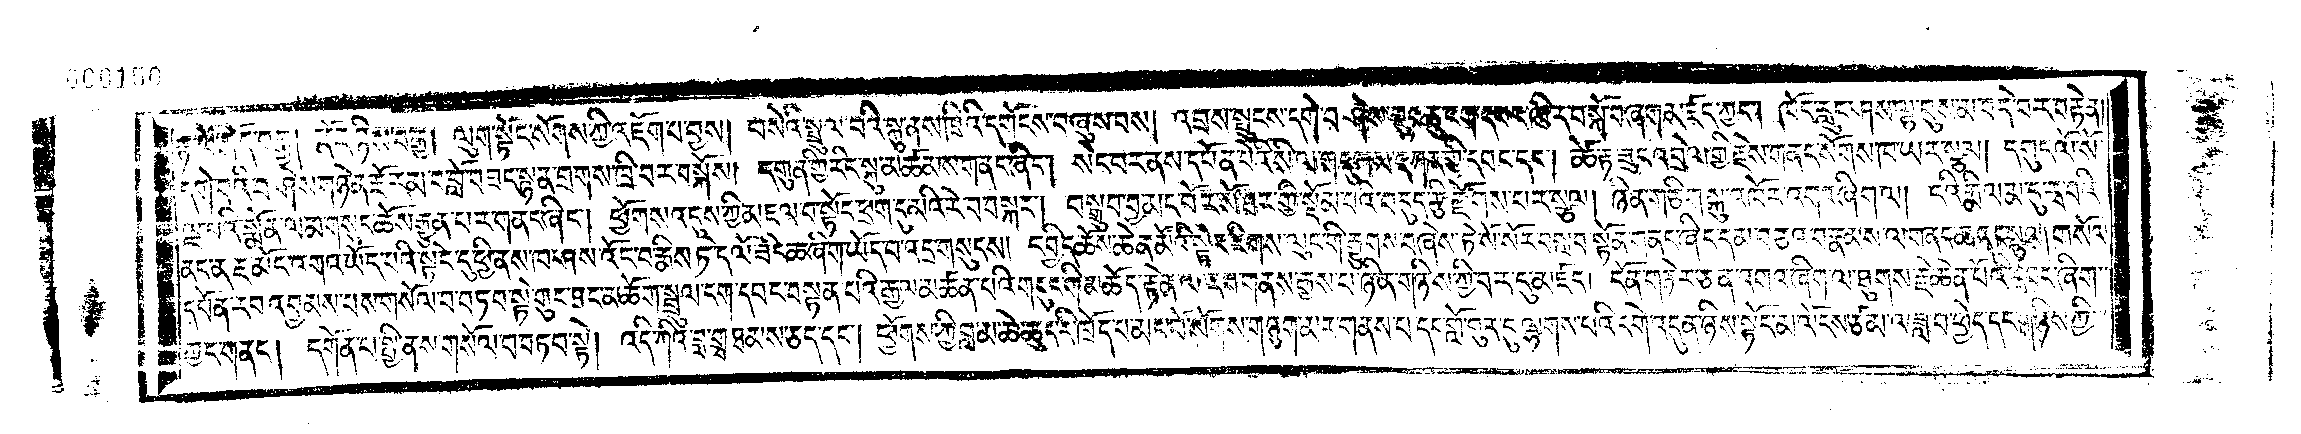རྟ་ཕོ་རྒོད་བརྒྱ། ནོར་ཉིས་བརྒྱ། ལུག་སྟོང་སོགས་ཀྱི་འཇོག་པ་བྱས། བསེའི་སྤྲུལ་པའི་སྐུ་ནས་ཁྲིའི་དགོངས་པ་ཞུས་པས། འབྲས་སྤུངས་དགེ་བཤེས་ཟུང་ཆུ་ངག་དབང་ཁྲིར་བསྐོ་བཞག་མཛད་ཀྱང་། ཁོང་རླུང་ཤས་ལྟ་བུས་མ་བདེ་བར་བརྟེན།
དགེ་བའི་བཤེས་གཉེན་རྡོ་རམ་པ་བློ་བཟང་སྙན་གྲགས་ཁྲི་བར་བསྐོས། དགུན་གྱི་རིང་སྐུ་མཚམས་གནང་ཞིང་། སེང་བར་ནས་དཔོན་བོའི་སི་ལ་གདུགས་དཀར་གྱི་དབང་དང་། ཚེ་རྟ་ཟུང་འབྲེལ་གྱི་རྗེས་གནང་སོགས་ཁ་ཡར་སྩལ། དགུང་ལོ་སོ་
ལྔ་པའི་སྨོན་ལམ་གསུང་ཆོས་རྒྱུན་པར་གནང་ཞིང་། ཕྱོགས་འདུས་ཀྱི་མཇལ་བ་སྟོང་ཕྲག་དུ་མའི་རེ་བ་བསྐང་། བསྒྲུབ་བྱ་མང་པོར་སོ་ཐར་གྱི་སྡོམ་པའི་བདུད་རྩི་རྫོགས་པར་སྩལ། ཉིན་གཅིག་སྐུ་འཁོར་འགའ་ཞིག་ལ། ངའི་རྨི་ལམ་དུ་རྭ་བའི་
ནང་ན་རྔ་མོང་འགའ་ཡོད་པའི་སྟེང་དུ་ཕྱི་ནས་ཁ་ཤས་འོང་བ་རྨིས་ཏེ་ད་ལོ་ཟིང་ཆ་ཞིག་ཡོད་པ་འདྲ་གསུངས། དཔྱིད་ཆོས་ཆེན་མོའི་སྟེང་རིགས་ལུང་གི་རྒྱུགས་བཞེས་ཏེ་སོ་སོར་བསླབ་སྟོན་གནང་ཞིང་དམ་བཅའ་བ་རྣམས་ལ་གནང་ཆའང་སྩལ། གསོལ་
དཔོན་རབ་འབྱམས་པས་གསོལ་བ་བཏབ་སྟེ་གུང་ཐང་མཆོག་སྦྲུལ་ངག་དབང་བསྟན་པའི་རྒྱལ་མཚན་པའི་གདུང་གི་མཆོད་རྟེན་ལ་རབ་གནས་རྒྱས་བ་ཉིན་གཉིས་ཀྱི་བར་དུ་མཛད། དོན་གཉེར་ཅན་འགའ་ཞིག་ལ་ཐུགས་རྗེ་ཆེན་པོའི་དབང་ཞིག་
ཀྱང་གནང་། དགོན་པ་སྦྱི་ནས་གསོལ་བ་བཏབ་སྟེ། འདི་ཀའི་བླ་གླ་ཐམས་ཅད་དང་། ཕྱོགས་ཀྱི་བླ་མ་ཆེ་ཆུང་རི་ཁྲོད་བ་མང་པོ་སོགས་གཉུག་མར་གནས་པ་དང་གློ་བུར་དུ་ལྷགས་པའི་དགེ་འདུན་ཉིས་སྟོང་མ་ལོངས་ཙམ་ལ་ཟླ་བ་ཕྱེད་དང་གཉིས་ཀྱི་